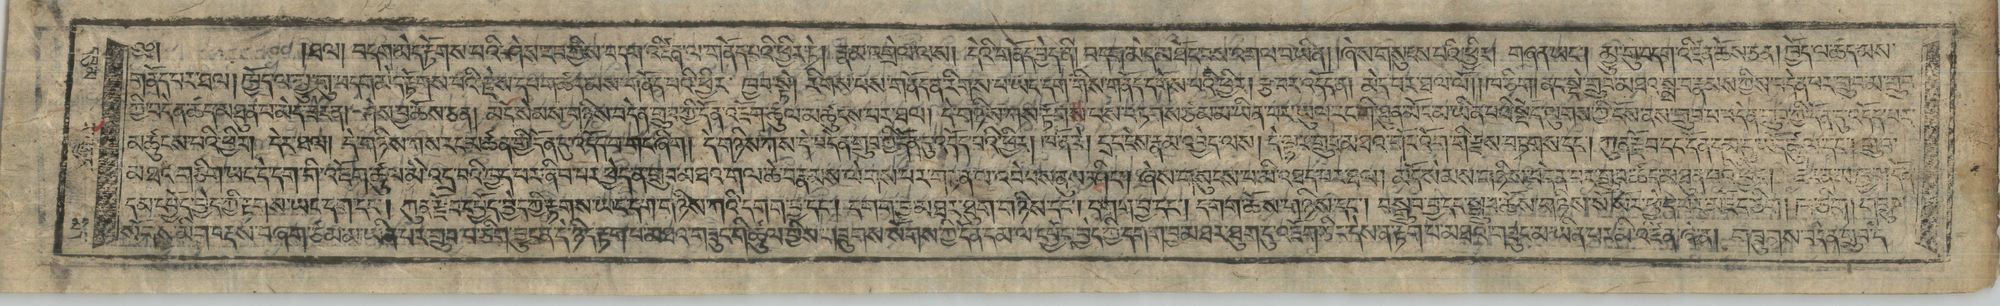༄༅། །ཐལ། བདག་མེད་རྟོགས་པའི་ཤེས་རབ་ཀྱིས་བདག་འཛིན་ལ་གནོད་པའི་ཕྱིར་ཏེ། རྣམ་འགྲེལ་ལས། དེའི་གནོད་བྱེད་ནི། བདག་མེད་མཐོང་བས་འགལ་བ་ཡིན། །ཞེས་གསུངས་པའི་ཕྱིར། གཞན་ཡང་། མྱུ་གུ་བདག་འཛིན་ཆོས་ཅན། ཁྱོད་ལ་ཚད་མས་
གནོད་པར་ཐལ། ཁྱོད་ལ་མྱུ་གུ་བདག་མེད་རྟོགས་པའི་རྗེས་དཔག་ཚད་མས་གནོད་པའི་ཕྱིར། ཁྱབ་སྟེ། རིགས་པས་གནོད་ན་རིགས་པ་ཡང་དག་གིས་གནོད་དགོས་པའི་ཕྱིར། རྩ་བར་འདོད་ན། མེད་པར་ཐལ་ལོ། །ཁ་ཅིག །ནང་སྡེ་གྲུབ་མཐའ་སྨྲ་བ་རྣམས་ཀྱིས་བདེན་པར་གྲུབ་མ་གྲུབ་
ཀྱི་བདེན་ཚད་མཐུན་པ་མེད་ཟེར་ན། ཤེས་བྱ་ཆོས་ཅན། མདོ་སེམས་གཉིས་བདེན་གྲུབ་ཀྱི་དོན་འཇོག་ཚུལ་མཚུངས་པར་ཐལ། དེ་གཉིས་ཀས་རྟོག་པས་བཏགས་ཙམ་མ་ཡིན་པར་ཡུལ་རང་གི་ཐུན་མོང་མ་ཡིན་པའི་སྡོད་ལུགས་ཀྱི་ངོས་ནས་གྲུབ་པ་བདེན་གྲུབ་ཀྱི་དོན་དུ་འདོད་པར་
མཚུངས་པའི་ཕྱིར། དེར་ཐལ། དེ་གཉིས་ཀས་རང་མཚན་གྱི་དོན་དུ་འདོད་པ་གང་ཞིག །དེ་གཉིས་ཀས་དེ་བདེན་གྲུབ་ཀྱི་དོན་དུ་འདོད་པའི་ཕྱིར། ཁོ་ན་རེ། དྲང་ངེས་རྣམ་འབྱེད་ལས། དེ་ལྟར་གྲུབ་མཐའ་གོང་འོག་གི་རྫས་བཏགས་དང་། ཀུན་རྫོབ་དང་དོན་དམ་དུ་ཡོད་ཚུལ་དང་། གྲུབ་
མཐའ་གཅིག་ཡང་དེ་དག་གི་འཇོག་ཚུལ་མི་འདྲ་བའི་ཁྱད་པར་ཞིབ་པར་ཕྱེད་ན་གྲུབ་མཐའ་གལ་ཆེ་བ་རྣམས་ལེགས་པར་གཏན་ལ་འབེབས་ནུས་ཤིང་། ཞེས་གསུངས་པ་མི་འཐད་པར་ཐལ། མདོ་སེམས་གཉིས་བདེན་པར་གྲུབ་ཚད་མཐུན་པའི་ཕྱིར། ཟེར་ན་མ་ཁྱབ། དོན་
དམ་དཔྱོད་བྱེད་ཀྱི་རྟགས་ཡང་དག་དང་། ཀུན་རྫོབ་དཔྱོད་བྱེད་ཀྱི་རྟགས་ཡང་དག་གཉིས་ཀའི་དགག་བྱ་དང་། དགག་བྱ་མཐར་ཐུག་གཉིས་དང་། དགག་བྱ་དང་། དགག་ཆོས་གཉིས་དང་། སྒྲུབ་བྱ་དང་སྒྲུབ་ཆོས་གཉིས་སོ་སོར་ཕྱེད་པར་མཛོད་ཅིག །ཁ་ཅིག །གཟུགས་
སོགས་མིག་བརྡས་བཞག་ཙམ་མ་ཡིན་པར་གྲུབ་པ་ཅིག་བྱུང་ན་དེ་ཉིད་རྟག་པ་མཐའ་གཟུང་གི་ཚུལ་གྱིས་གཟུགས་སོགས་ཀྱི་དོན་དམ་ལ་དཔྱོད་བྱེད་ཀྱི་དགག་བྱ་མཐར་ཐུག་དུ་འཇོག་ཅིང་དེས་ན་རྟོག་པ་མཐའ་གཟུང་མ་ཡིན་པར་མི་འཛིན་ཞེ་ན། གཟུགས་བདེན་གྲུབ་དེ་